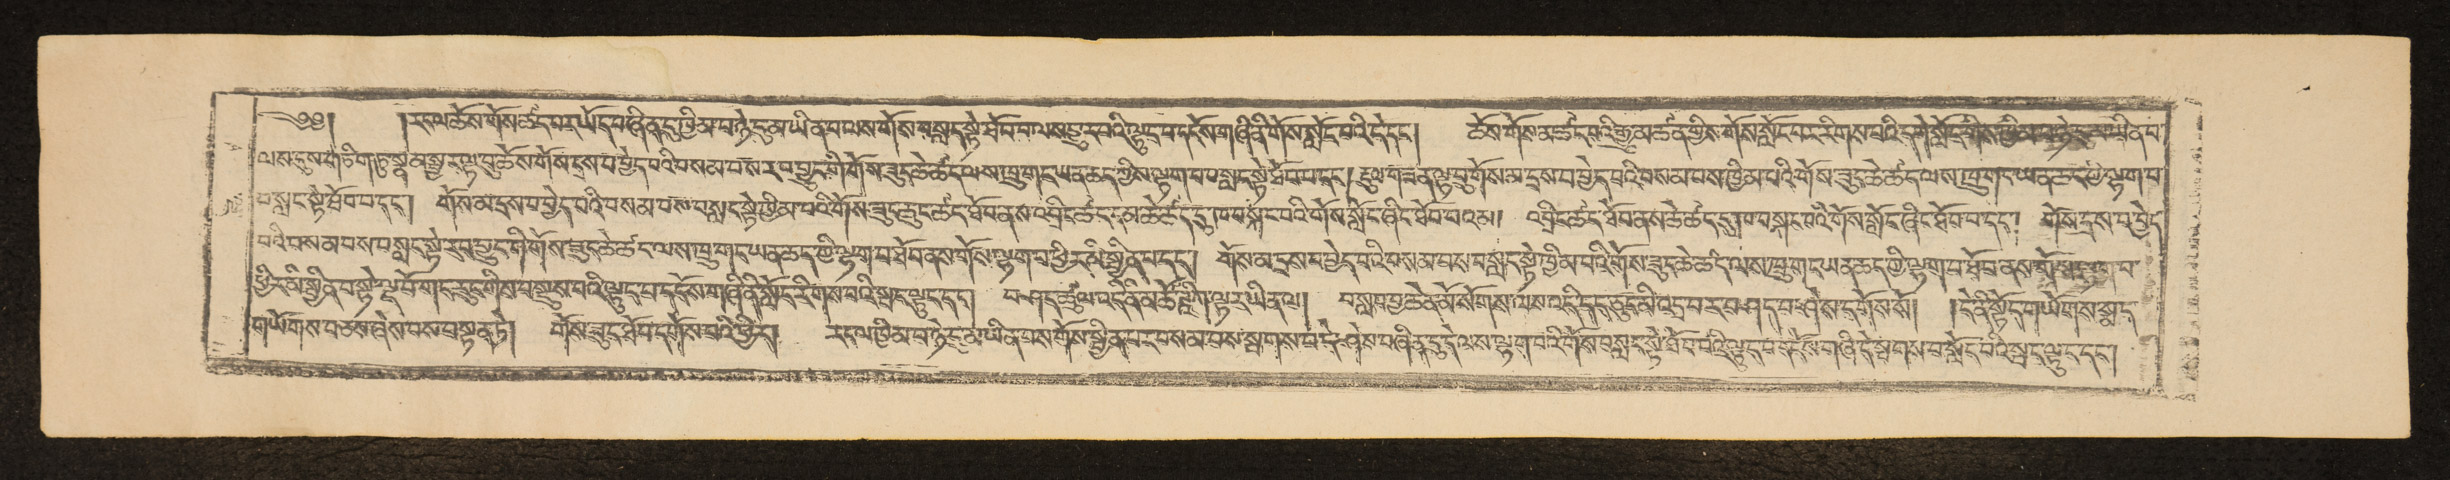༄༅། །རང་ལ་ཆོས་གོས་ཚང་བར་ཡོད་བཞིན་དུ་ཁྱིམ་པ་ཉེ་དུ་མ་ཡིན་པ་ལས་གོས་བསླད་སྟེ་ཐོབ་པ་ལས་གྱུར་བའི་ལྟུང་བ་དངོས་གཞི་ནི་གོས་སློང་བའི་དེ་དང་། ཆོས་གོས་མཚང་བའི་རྒྱུ་མཚན་གྱིས་གོས་སློང་བར་རིགས་པའི་དགེ་སློང་གིས་ཁྱིམ་པ་ཉེ་དུ་མ་ཡིན་པ་
ལས་དུས་གཅིག་ཏུ་སྣམ་སྦྱར་ལྟ་བུ་ཆོས་གོས་དྲས་པ་བྱེད་པའི་བསམ་པས་རབ་བྱུང་གི་གོས་ཟུང་ཆེ་ཚད་ལས་ཁྲུ་གང་ཡན་ཆད་ཀྱིས་ལྟག་པ་བསླང་སྟེ་ཐོབ་པ་དང་། རྡུལ་གཟན་ལྷ་བུ་གོས་མ་དྲས་པ་བྱེད་པའི་བསམ་པས་ཁྱིམ་པའི་གོས་ཟུང་ཆེ་ཚད་ལས་ཁྲུ་གང་ཡན་ཆད་ཀྱི་ལྷག་པ་
བསླང་སྟེ་ཐོབ་པ་དང་། གོས་མ་དྲས་པ་བྱེད་པའི་བསམ་པས་བསླང་སྟེ་ཕྱི་མ་བའི་གོས་ཟུང་ཆུང་ཚང་ཐོབ་ནས་འབྲིང་ཚང་དམ་ཆེ་ཚད་དུ་ཁ་བསྐང་བའི་གོས་སློང་ཞིང་ཐོབ་པའམ། འབྲིང་ཚད་ཐོབ་ནས་ཆེ་ཚད་དུ་ཁ་བསྐང་བའི་གོས་སློང་ཞིང་ཐོབ་པ་དང་། གོས་དྲས་པ་བྱེད་
པའི་བསམ་པས་བསླང་སྟེ་རབ་བྱུང་གི་གོས་ཟུང་ཆེ་ཚང་ལས་ཁྲུ་གང་ཡན་ཆད་ཀྱི་ལྷག་པ་ཐོབ་ནས་གོས་ལྷག་པ་ཕྱིར་མི་སྦྱིན་པ་དང་། གོས་མ་དྲས་པ་བྱེད་པའི་བསམ་བས་བསླང་སྟེ་ཁྱིམ་པའི་གོས་ཟུང་ཆེ་ཚད་ལས་ཁྲུ་གང་ཡན་ཆད་ཀྱི་ལྷག་པ་ཐོབ་ནས་གོས་ལྷག་པ་
ཕྱིར་མི་སྦྱིན་པ་སྟེ་ལྔ་པོ་གང་རུང་གིས་བསྡུས་པའི་ལྟུང་བ་དངོས་གཞི་ནི་སློང་རིགས་པའི་སྤང་ལྟུང་དང་། བཤད་ཚུལ་འདི་ནི་མཚོ་ཊཱིཀ་ལྟར་ཡིན་ལ། བསླབ་བྱ་ཆེན་མོ་སོགས་ལས་འདི་དང་ཅུང་མི་འདྲ་བར་བཤད་པ་ཤེས་དགོས་སོ། །དེ་ནི་སྟོད་གཡོགས་སྨད་
གཡོགས་བཅས་ཞེས་པས་བསྟན་ཏེ། གོས་ཟུང་ཐོབ་དགོས་པའི་ཕྱིར། རང་ལ་ཁྱིམ་པ་ཉེ་དུ་མ་ཡིན་པས་གོས་སྦྱིན་པར་བསམ་པས་སྤགས་བདེ་ཤེས་བཞིན་དུ་དེ་ལས་ལྷག་པའི་གོས་བསླང་སྟེ་ཐོབ་པའི་ལྟུང་བ་དངོས་གཞི་དེ་སྤགས་བ་སློང་བའི་སྤང་ལྟུང་དང་།